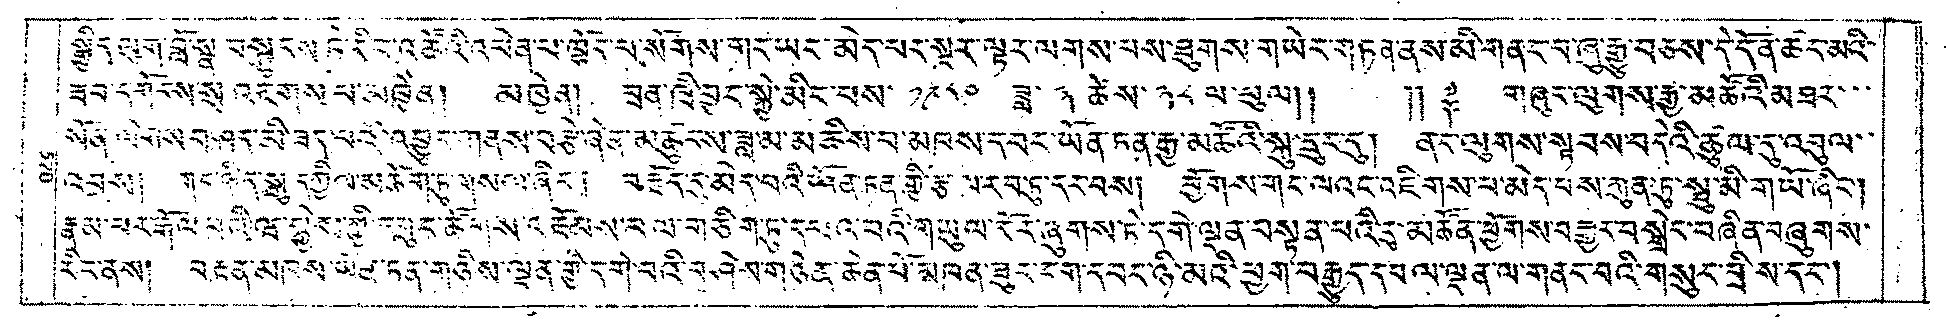སྒྱིད་ལུག་བློ་སྣ་བསྟུངས་ཏེ་རིང་འཚོའི་འཕེན་པ་ལྷོད་པ་སོགས་གང་ཡང་མེད་པར་སྔར་ལྟར་ལགས་པས་ཐུགས་གཡེང་གཏན་ནས་མི་གནང་བ་ཞུ་རྒྱུ་བཅས་དེ་དོན་ཚང་མའི་
ཟབ་དགོངས་སུ་འཇགས་པ་མཁྱཻན། མཁྱེན། ཕྲན་ཁྲི་བྱང་སྐྱེ་མིང་པས ༡༩༨༠་ཟླ ༣་ཚེས ༢༨་ལ་ཕུལ།། །། ༈ གཞུང་ལུགས་རྒྱ་མཚོའི་མཐར་
སོན་ལེགས་བཤད་མི་ཟད་པའི་འབྱུང་གནས་བརྩེ་ཞེན་མཚུངས་ཟླ་མ་མཆིས་པ་མཁས་དབང་ཡོན་ཏན་རྒྱ་མཚོའི་སྐུ་དྲུང་དུ། ནང་ལུགས་སྟབས་བདེའི་ཚུལ་དུ་འབུལ་
འབྲས། གང་ཉིད་སྐུ་དཀྱིལ་མཆོག་ཏུ་གསལ་ཞིང་། བརྗོད་དུ་མེད་པའི་ཡོན་ཏན་གྱི་རྩལ་རབ་ཏུ་དར་བས། ཕྱོགས་གང་ལའང་འཇིགས་པ་མེད་པས་ཀུན་ཏུ་སྤུ་མི་གཡོ་ཞིང་།
རྣམ་པར་རྒོལ་བའི་ཝ་སྐྱེས་ཀྱི་དཔུང་ཚོགས་འཇོམས་པ་ལ་གཅིག་ཏུ་དཔའ་བའི་གཡུལ་ངོར་ཞུགས་ཏེ་དགེ་ལྡན་བསྟན་པའི་རུ་མཚོན་ཕྱོགས་བརྒྱར་བསྒྲེང་བཞིན་བཞུགས་
རིང་ནས། བརྟན་མཁས་ཡོན་ཏན་གཉིས་ལྡན་གྱི་དགེ་བའི་བཤེས་གཉེན་ཆེན་པོ་མཁན་ཟུར་ངག་དབང་ཉི་མའི་ཕྱག་བརྒྱུད་དཔལ་ལྡན་ལ་གནང་བའི་གསུང་བྲིས་དང་།